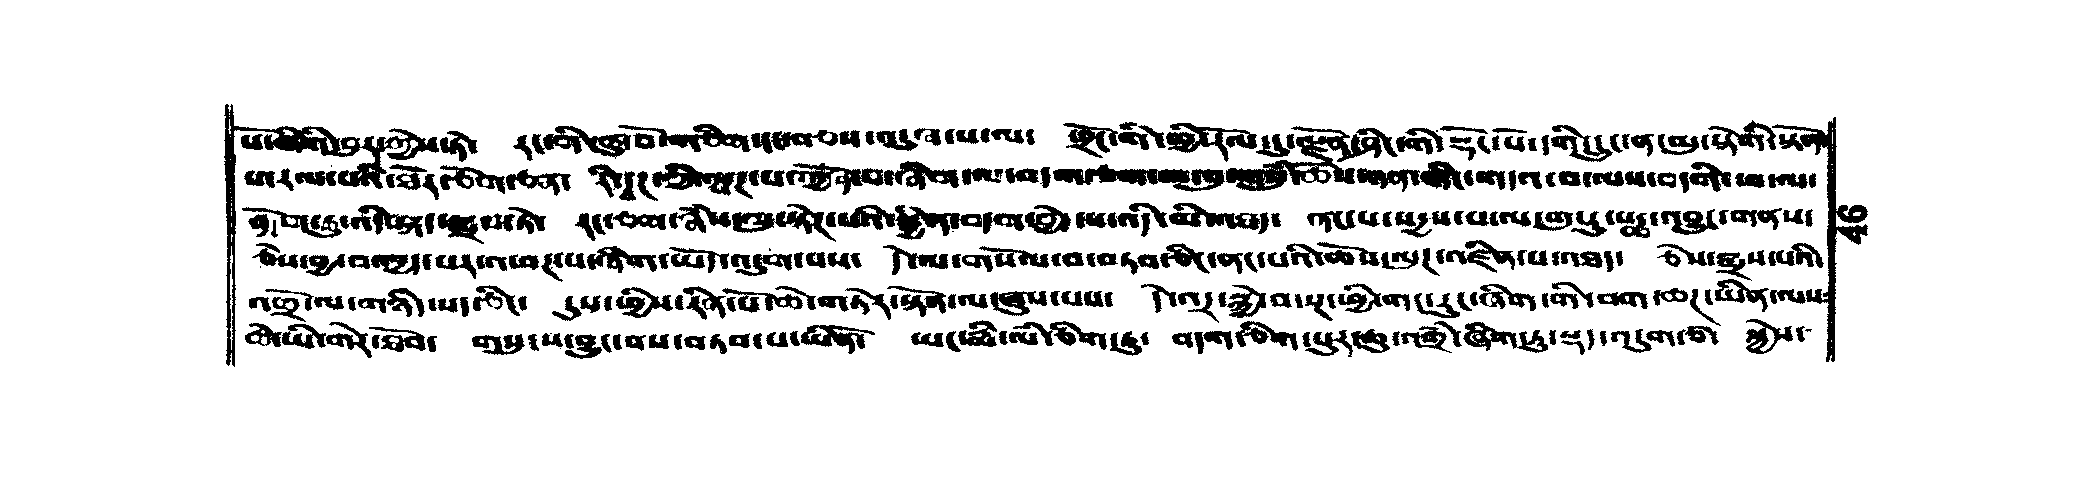པོ་ཞིག་གི་བུར་སྐྱེས་ཏེ། རང་གི་ནུ་བོ་གཅིག་དང་བཅས་འདུག་པ་ལ། ཕོ་བྲང་གི་ཕྱི་རོལ་དུ་ལྗོན་ཤིང་གི་སྡོང་པོ་དག་གི་དྲུང་ན་མུ་སྟེགས་ཀྱི་སྟོན་
པ་རལ་པའི་ཐོར་ཅོག་ཅན། རི་དྭགས་ཀྱི་ལྤགས་པ་གྱོན་པ་ཞིག་ལ་བདག་ཅག་མ་བུ་གསུམ་ཆོས་ཉན་ཞིང་གདའ་བ་ལས་བདག་གི་ཕ་ལ་
ལྐོག་ཏུ་འདི་སྐད་སྨྲས་ཏེ། རང་ཅག་རྣམས་མུ་སྟེགས་པའི་སྦྱིན་བདག་བྱེད་པ་འདི་མི་འཐད། ནང་པ་སངས་རྒྱས་པ་ལ་གུ་རུ་པདྨ་འབྱུང་གནས་
ཅེས་བྱ་བ་ཁྱད་པར་འཕགས་པ་ཞིག་ཡོད་འདུག་པས། དེ་ལ་གསོལ་བ་བཏབ་ཅིང་ནང་པའི་ཆོས་ལུགས་འཛིན་པ་འཐད། ཅེས་སྨྲས་པའི་
འཕྲོ་ལ་གཉིད་སད་ཅིང་། དུས་ཕྱིས་རིན་པོ་ཆེ་གཏེར་སྟོན་ལ་ཞུས་པས། དེ་འདྲ་སྐྱེ་བ་སྔ་ཕྱི་གང་རུང་ཞིག་གི་བག་ཆགས་ཡིན་ལས་
ཆེ་ཡི་གེར་ཐོབ་གསུངས་བྱུང་བས་བཏབ་པ་ཡིན་ནོ། ཡང་རྨི་ལམ་ཞིག་ཏུ། བདག་གཅིག་པུར་ཆུ་འགྲམ་ཞིག་ཏུ་སྡད་འདུག་ཚེ། སྐྱེས་